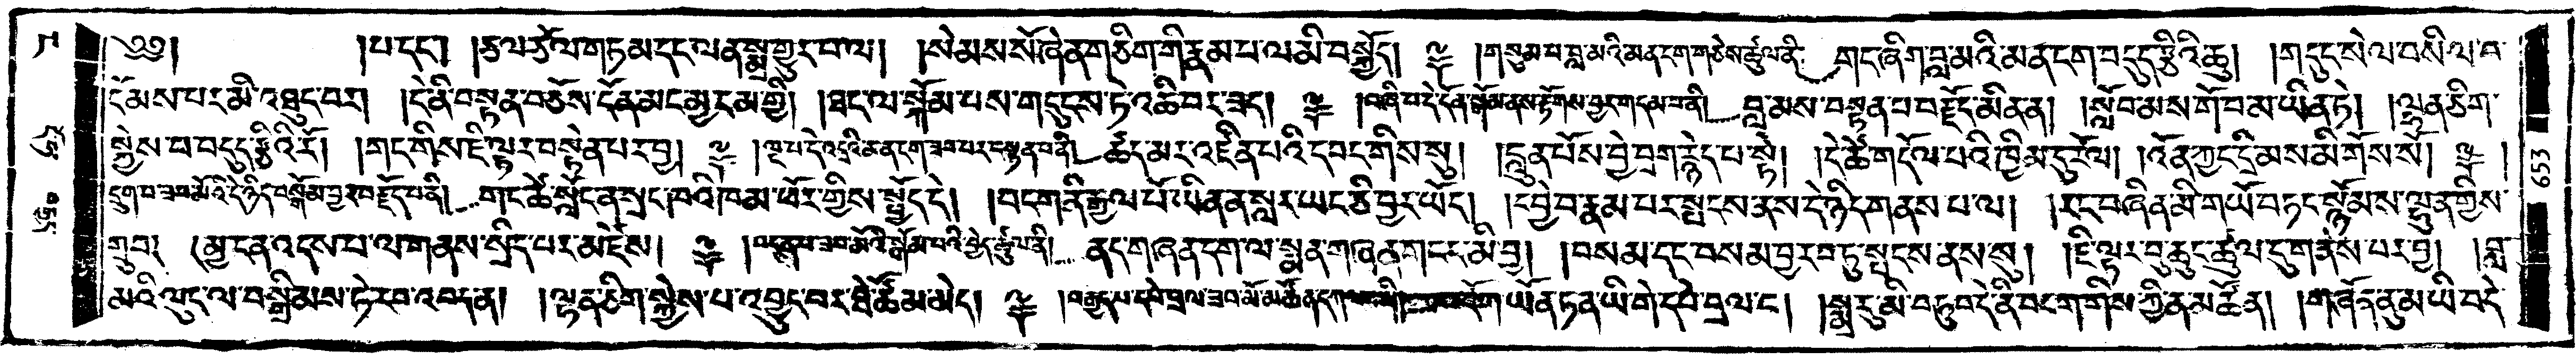༄༅། །པ་དང་། །རྩལ་ཅོལ་གཏམ་དང་ལན་སྨྲ་གྱུར་པ་ལ། །སེམས་སོ་ཞེན་གཅིག་གི་རྣམ་པ་ལ་མི་བསྤྱོད། ༈ །གསུམ་པ་བྱ་མའི་མན་ངག་གཅེས་ཚུལ་ནི། གང་ཞིག་བླ་མའི་མན་ངག་བདུད་རྩིའི་ཆུ། །གདུང་སེལ་བསིལ་བ་
ངོམས་པར་མི་འཐུད་པར། །དེ་ནི་བསྟན་བཅོས་དོན་མང་མྱང་མ་གྱི། །ཐང་ལ་སྐོམ་པས་གདུངས་ཏེ་འཆི་བར་ཟད། ༈ །བཞི་བདེ་དོན་སྒོམ་ནས་རྟོགས་བྱར་གདའ་པ་ནི། བླ་མས་བསྟན་པ་བརྗོད་མིན་ན། །སློབ་མས་གོ་བ་མ་ཡིན་ཏེ། །ལྷན་ཅིག་
སྐྱེས་པར་བདུད་རྩིའི་རོ། །གང་གིས་ཇི་ལྟར་བསྟེན་པར་བྱ། ༈ །ལྔ་པ་དེ་འདྲའི་མན་ངག་ཟབ་པར་བསྟན་བ་ནི། ཚད་མར་འཛིན་པའི་དབང་གིས་སུ། །བླུན་པོས་བྱེ་བྲག་རྙེད་པ་སྟེ། །དེ་ཚེ་གདོལ་པའི་ཁྱིམ་དུ་རོལ། །འོན་ཀྱང་དྲི་མས་མི་གོས་སོ། ༈ །
དྲུག་པ་ཟབ་མོའི་དེ་ཉིད་བསྒོམ་བྱར་བརྗོད་པ་ནི། གང་ཚེ་སློང་ན་སྲང་ཁའི་ཁམ་ཕོར་གྱིས་སྤྱོད་དེ། །བདག་ནི་རྒྱལ་པོ་ཡིན་ན་སླར་ཡང་ཅི་བྱར་ཡོད། །དབྱེ་བ་རྣམ་པར་སྤངས་ནས་དེ་ཉིད་གནས་པ་ལ། །རང་བཞིན་མི་གཡོ་བཏང་སྙོམས་ལྷུན་གྱིས་
གྲུབ༑ ༑མྱ་ངན་འདས་པ་ལ་གནས་སྲིད་པར་མཛེས། ༈ །བདུན་པ་ཟབ་མོའི་སྒོམ་པའི་བྱེད་ཚུལ་ནི། ནད་གཞན་དག་ལ་སྨན་གཞན་གཏང་མི་བྱ། །བསམ་དང་བསམ་བྱ་རབ་ཏུ་སྤངས་ནས་སུ། །ཇི་ལྟར་བུ་ཆུང་ཚུལ་དུ་གནས་པར་བྱ། །བླ་
མའི་ལུང་ལ་བསྒྲིམས་ཏེ་རབ་འབད་ན། །ལྷན་ཅིག་སྐྱེས་པ་འབྱུང་བར་ཐེ་ཚོམ་མེད། ༈ །བརྒྱད་པ་དཔེ་བྲལ་ཟབ་མོ་མཚོན་དཀའ་བ་ནི། ཁ་དོག་ཡོན་ཏན་ཡི་གེ་དཔེ་བྲལ་བ། །སྨྲ་རུ་མི་བཏུབ་དེ་ནི་བདག་གིས་ཀྱི་ན་མཚོན། །གཞོན་ནུ་མ་ཡི་བདེ་